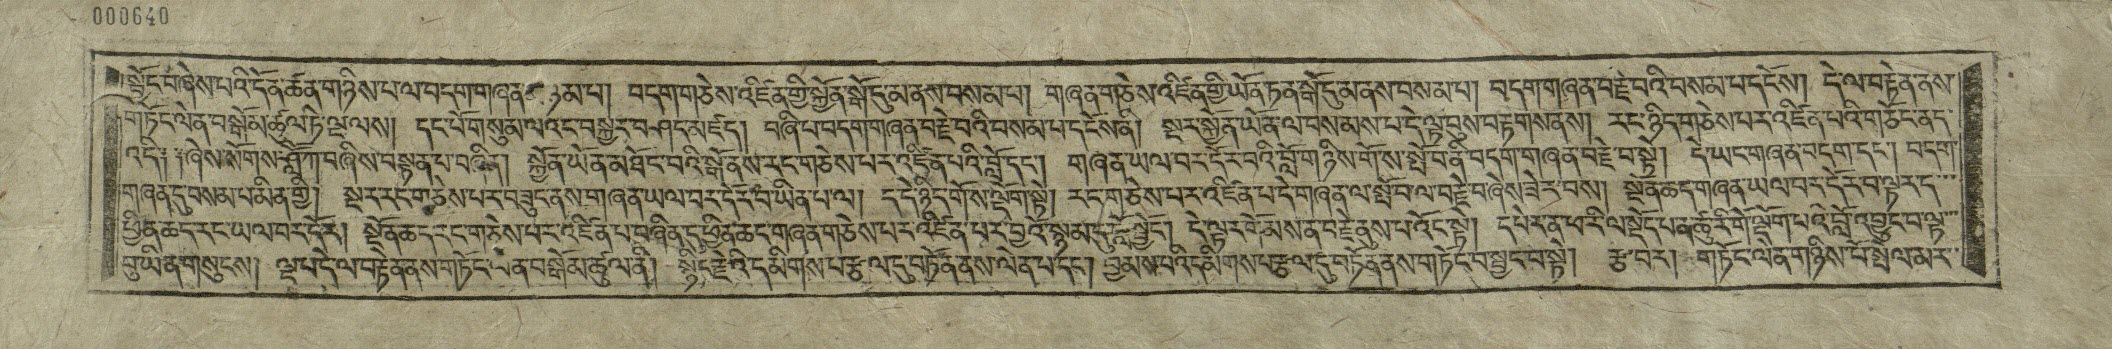སྦྱོང་བ་ཞེས་པའི་དོན་ཚན་གཉིས་པ་ལ་བདག་གཞན་མཉམ་པ། བདག་གཅེས་འཛིན་གྱི་སྐྱོན་སྒོ་དུ་མ་ནས་བསམ་པ། གཞན་གཅེས་འཛིན་གྱི་ཡོན་ཏན་སྒོ་དུ་མ་ནས་བསམ་པ། བདག་གཞན་བརྗེ་བའི་བསམ་པ་དངོས། དེ་ལ་བརྟེན་ནས་
གཏོང་ལེན་བསྒོམ་ཚུལ་ཏེ་ལྔ་ལས། དང་པོ་གསུམ་ལའང་བསྐྱར་བཤད་མཛད། བཞི་པ་བདག་གཞན་བརྗེ་བའི་བསམ་པ་དངོས་ནི། སྔར་སྐྱོན་ཡོན་ལ་བསམས་པ་དེ་ལྟ་བུས་བརྟགས་ནས། རང་ཉིད་གཅེས་པར་འཛིན་པའི་གཅོང་ནད་
འདི༑ ༑ཞེས་སོགས་ཤཽལ་ཀ་བཞིས་བསྟན་པ་བཞིན། སྐྱོན་ཡོན་མཐོང་བའི་སྒོ་ནས་རང་གཅེས་པར་འཛིན་པའི་བློ་དང་། གཞན་ཡལ་བར་དོར་བའི་བློ་གཉིས་གོ་ས་སྤོ་བ་ནི་བདག་གཞན་བརྗེ་བ་སྟེ། དེ་ཡང་གཞན་བདག་དང་། བདག་
གཞན་དུ་བསམ་པ་མིན་གྱི། སྔར་རང་གཅེས་པར་བཟུང་ནས་གཞན་ཡལ་བར་དོར་བ་ཡིན་པ་ལ། ད་དེ་ཉིད་གོ་ས་ལྡོག་སྟེ། རང་གཅེས་པར་འཛིན་པ་དེ་གཞན་ལ་སྤོ་བ་ལ་བརྗེ་བ་ཞེས་ཟེར་བས། སྔོན་ཆད་གཞན་ཡལ་བར་དོར་བ་ལྟར་ད་
ཕྱིན་ཆད་རང་ཡལ་བར་དོར། སྔོན་ཆད་རང་གཅེས་པར་འཛིན་པ་བཞིན་དུ་ཕྱིན་ཆད་གཞན་གཅེས་པར་འཛིན་པར་བྱའོ་སྙམ་དུ་བློ་སྦྱོང་། དེ་ལྟར་གོམས་ན་བརྗེ་ནུས་པ་འོང་སྟེ། དཔེར་ན་ཕ་རི་ལ་སྡོད་པ་ན་ཚུ་རི་གོ་ལྡོག་པའི་བློ་འབྱུང་བ་ལྟ་
བུ་ཡིན་གསུངས། ལྔ་པ་དེ་ལ་བརྟེན་ནས་གཏོང་ལེན་བསྒོམ་ཚུལ་ནི། སྙིང་རྗེའི་དམིགས་པ་རྩལ་དུ་བཏོན་ནས་ལེན་པ་དང་། བྱམས་པའི་དམིགས་པ་རྩལ་དུ་བཏོན་ནས་གཏོང་བ་སྦྱང་བ་སྟེ། རྩ་བར། གཏོང་ལེན་གཉིས་པོ་སྤེལ་མར་